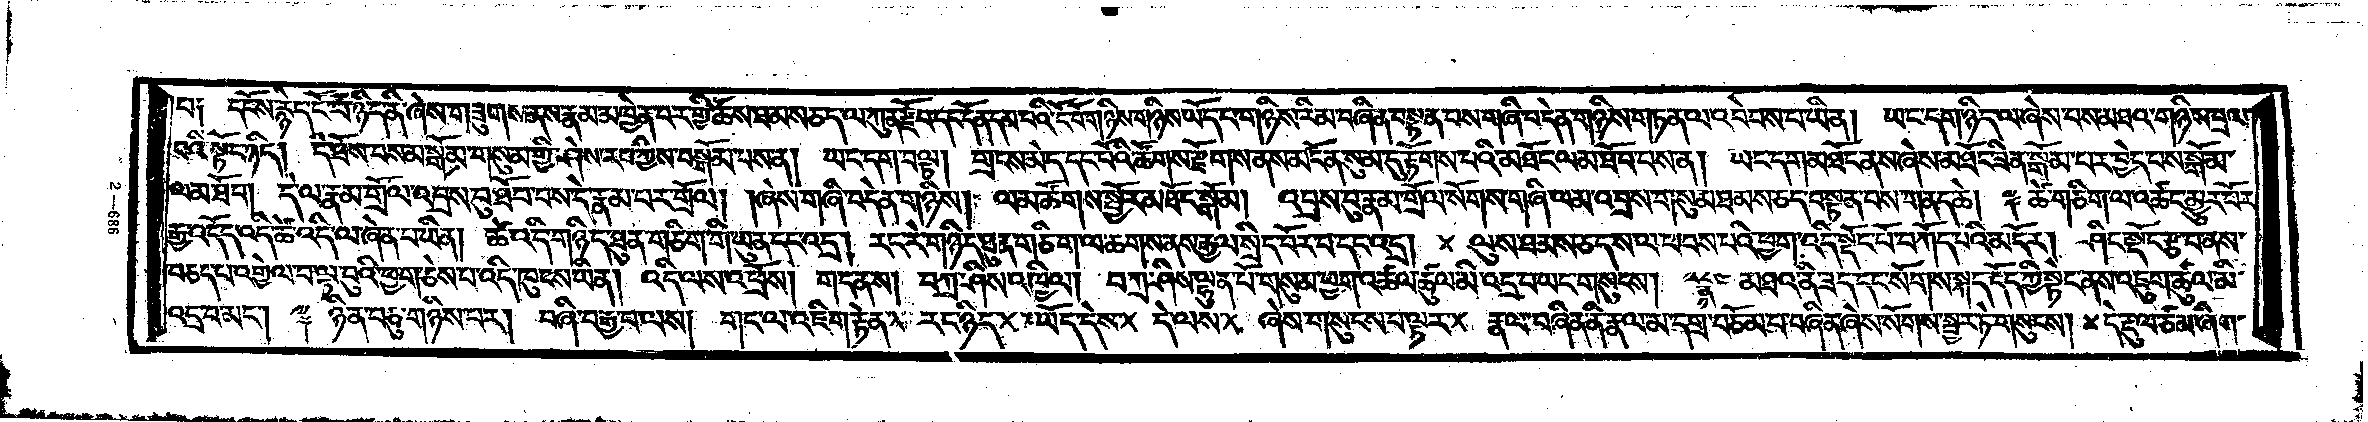བ༑ དངོས་རྙེད་ངོ་བོ་ཉིད་ནི་ཞེས་གཟུགས་ནས་རྣམ་མཁྱེན་བར་གྱི་ཆོས་ཐམས་ཅད་ལ་ཀུན་རྫོབ་དང་དོན་དམ་པའི་ངོ་བོ་གཉིས་གཉིས་ཡོད་པ་གཉིས་རིམ་བཞིན་བསྟན་པས་གཞི་བདེན་གཉིས་གཏན་ལ་འབེབས་པ་ཡིན། ཡང་དག་ཉིད་ལ་ཞེས་པས་མཐའ་གཉིས་བྲལ་
བའི་སྟོང་ཉིད། དེ་ཐོས་བསམ་སྒོམ་གསུམ་གྱི་ཤེས་རབ་ཀྱིས་བསྒོམ་པས་ན། ཡང་དག་བལྟ། གྲངས་མེད་དང་པོའི་ཚོགས་རྫོགས་ནས་མངོན་སུམ་དུ་རྟོགས་པའི་མཐོང་ལམ་ཐོབ་བས་ན། ཡང་དག་མཐོང་ནས་ཞེས་མཐོང་ཟིན་སྒོམ་པར་བྱེད་བས་སྒོམ་
ལམ་ཐོབ། དེ་ལ་རྣམ་གྲོལ་འབྲས་བུ་ཐོབ་པས་དེ་རྣམ་པར་གྲོལ། །ཞེས་གཞི་བདེན་གཉིས། ལམ་ཚོགས་སྦྱོར་མཐོང་སྒོམ། འབྲས་བུ་རྣམ་གྲོལ་སོགས་གཞི་ལམ་འབྲས་གསུམ་ཐམས་ཅད་བསྟན་པས་གནད་ཆེ། ༈ ཚེ་གཅིག་ལ་འཚང་མྱུར་པོར་
རྒྱ་འདོད་འདི་ཚེ་འདི་ལ་ཞེན་པ་ཡིན། ཚེ་འདི་གཉིད་ཐུན་གཅིག་གི་ཡུན་དང་འདྲ། རང་རེ་གཉིད་ཐུན་གཅིག་ལ་ཆགས་ནས་རྒྱལ་སྲིད་བོར་བ་དང་འདྲ། ྾་ལུས་ཐམས་ཅད་ས་ལ་ཕབས་པའི་ཕྱག་འདི་སྡོང་པོ་བཀོད་པའི་མདོར། ཤིང་སྡོང་རྩ་བ་ནས་
བཅད་པ་འགྱེལ་པ་ལྟ་བུའི་ཕྱག་ཅེས་པ་འདི་ཁུངས་ཡིན། འདི་ལས་འཕྲོས། གདན་ས། བཀྲ་ཤིས་འཁྱིལ། བཀྲ་ཤིས་ལྷུན་པོ་གསུམ་ཕྱག་འཚལ་ཚུལ་མི་འདྲ་བ་ཡང་གསུངས། ༢༨༤ན༡་མཐའ་ནི་ཟད་དང་སོགས་སྐད་དོད་ཀྱི་སྟེང་ནས་འཇུག་ཚུལ་མི་
འདྲ་བ་མང་། ༈ ཉིན་བཅུ་གཉིས་པར། བཞི་བརྒྱ་བ་ལས། གང་ལ་འཇིག་རྟེན་྾་རང་ཉིད་྾་ཡོད་དེས་྾་དེ་ལས་྾་ཞེས་གསུངས་པ་ལྟར་྾་རྣལ་བཞིན་ནི་རྣལ་མ་དགྲ་བཅོམ་བ་བཞིན་ཞེས་སོགས་སྦྱར་ཏེ་གསུངས། ྾་དེ་རྡུལ་ཙམ་ཞིག་